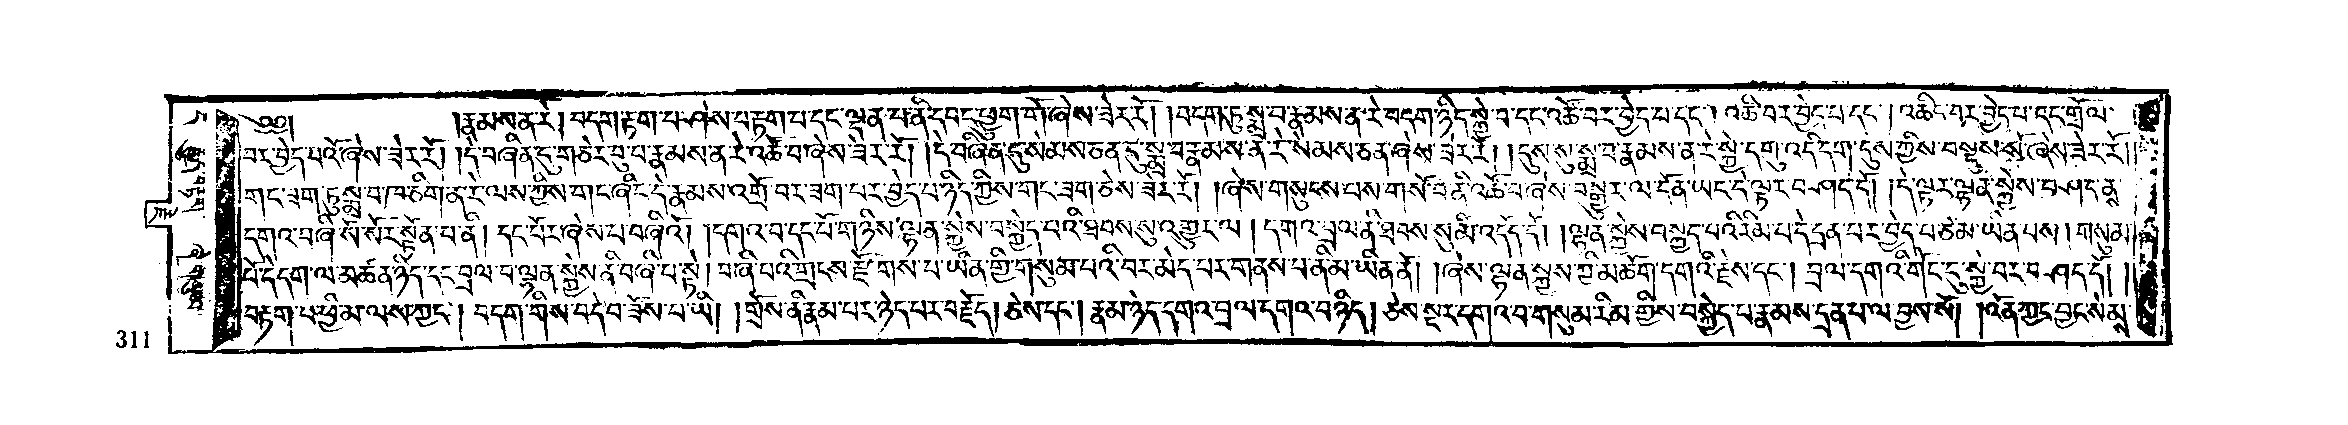༄༅། །རྣམས་ན་རེ། བདག་རྟག་པ་ཤེས་པ་རྟག་པ་དང་ལྡན་པ་ནི་དབང་ཕྱུག་གོ་ཞེས་ཟེར་རོ། །བདག་ཏུ་སྨྲ་བ་རྣམས་ན་རེ་བདག་ཉིད་སྐྱེ་བ་དང་འཚོ་བར་བྱེད་པ་དང་། འཆི་བར་བྱེད་པ་དང་། འཆིང་བར་བྱེད་པ་དང་གྲོལ་
བར་བྱེད་པའོ་ཞེས་ཟེར་རོ། །དེ་བཞིན་དུ་གཅེར་བུ་པ་རྣམས་ན་རེ་འཚོ་བ་ཞེས་ཟེར་རོ། །དེ་བཞིན་དུ་སེམས་ཅན་དུ་སྨྲ་བ་རྣམས་ནི་རེ་སེམས་ཅན་ཞེས་ཟེར་རོ། །དུས་སུ་སྨྲ་བ་རྣམས་ན་རེ་སྐྱེ་དགུ་འདི་དག་དུས་ཀྱིས་བསྡུས་སོ་ཞེས་ཟེར་རོ། །
གང་ཟག་ཏུ་སྨྲ་བ་ཁ་ཅིག་ན་རེ་ལས་ཀྱིས་གང་ཞིང་དེ་རྣམས་འགྲོ་བར་ཟག་པར་བྱེད་པ་ཉིད་ཀྱིས་གང་ཟག་ཅེས་ཟེར་རོ། །ཞེས་གསུངས་པས་གསོ་བ་ནི་འཚོ་བ་ཞེས་བསྒྱུར་ལ་དོན་ཡང་དེ་ལྟར་བཤད་དོ། །དེ་ལྟར་ལྷན་སྐྱེས་བཤད་ནས་
དགའ་བཞི་སོ་སོར་སྟོན་པ་ནི། དང་པོར་ཞེས་པ་བཞིའོ། །དགའ་བ་དང་པོ་གཉིས་ལྷན་སྐྱེས་བསྐྱེད་པའི་ཐབས་སུ་འགྱུར་ལ། དགའ་བྲལ་ནི་ཐབས་སུ་མི་འདོད་དོ། །ལྷན་སྐྱེས་བསྐྱེད་པའི་རིམ་པ་དེ་དྲན་པར་བྱེད་པ་ཙམ་ཡིན་པས། གསུམ་
པོ་དེ་དག་ལ་མཚན་ཉིད་དང་བྲལ་བ་ལྷན་སྐྱེས་ནི་བཞི་པ་སྟེ། བཞི་པའི་གྲངས་རྫོགས་པ་ཡིན་གྱི་གསུམ་པའི་བར་མེད་པར་གནས་པ་ནི་མ་ཡིན་ནོ། །ཞེས་ལྷན་སྐྱེས་ཀྱི་མཆོག་དགཱི་རྗེས་དང་། བྲལ་དགའི་གོང་དུ་སྐྱེ་བར་བཤད་དོ། །
བརྟག་པ་ཕྱི་མ་ལས་ཀྱང་། བདག་གིས་བདེ་བ་ཟོས་པ་ཡི། །གྲོས་ནི་རྣམ་པར་ཉེད་པར་བརྗོད། ཅེས་དང་། རྣམ་ཉེད་དགའ་བྲལ་དགའ་བ་ཉིད། ཅེས་སྔར་དགའ་བ་གསུམ་རིམ་གྱིས་བསྐྱེད་པ་རྣམས་དྲན་པ་ལ་བྱས་སོ། །འོན་ཀྱང་བྱང་སེམས་